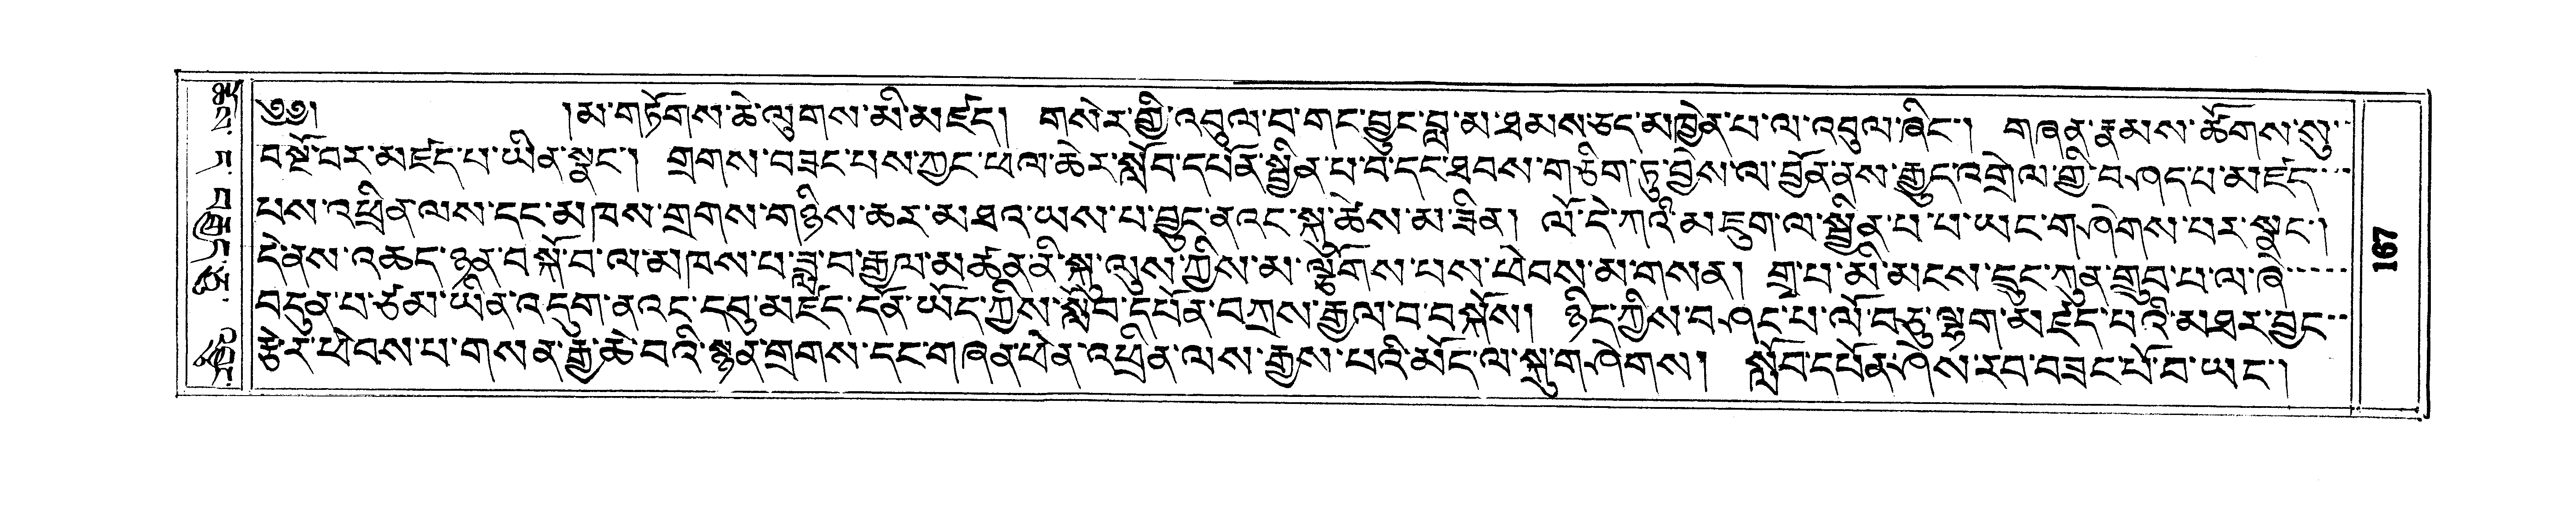༄༅། །མ་གཏོགས་ཆེ་ལུགས་མི་མཛད། གསེར་གྱི་འབུལ་བ་གང་བྱུང་བླ་མ་ཐམས་ཅད་མཁྱེན་པ་ལ་འབུལ་ཞིང་། གཞན་རྣམས་ཚོགས་སུ་
བསྔོ་བར་མཛད་པ་ཡིན་སྣང་། གྲགས་བཟང་པས་ཀྱང་ཕལ་ཆེར་སློབ་དཔོན་སྦྱིན་པ་བ་དང་ཐབས་གཅིག་ཏུ་བྱེས་ལ་བྱོན་ནས་རྒྱུད་འགྲེལ་གྱི་བཤད་པ་མཛད་
པས་འཕྲིན་ལས་དང་མཁས་གྲགས་གཉིས་ཆར་མཐའ་ཡས་པ་བྱུང་ནའང་སྐུ་ཚེས་མ་ཟིན། ལོ་དེ་ཀའི་མཇུག་ལ་སྦྱིན་པ་པ་ཡང་གཤེགས་པར་སྣང་།
དེ་ནས་འཆད་ཉན་བསྐོ་བ་ལ་མཁས་པ་ཟླ་བ་རྒྱལ་མཚན་ནི་སྐུ་ལུས་ཀྱིས་མ་ལྕོགས་པས་ཕེབས་མ་གསན། གྲྭ་པ་མི་མངས་དྲུང་ཀུན་གྲུབ་པ་ལ་ཞི་
བདུན་པ་ཙམ་ཡིན་འདུག་ནའང་དབུ་མཛད་དོན་ཡོད་ཀྱིས་སློབ་དཔོན་བཀྲས་རྒྱལ་བ་བསྐོས། ཉིད་ཀྱིས་བཤད་པ་ལོ་བཅུ་ལྷག་མཛད་པའི་མཐར་བྱང་
རྩེར་ཕེབས་པ་གསན་རྒྱ་ཆེ་བའི་སྙན་གྲགས་དང་གཞན་ཕེན་འཕྲིན་ལས་རྒྱས་པའི་མདོ་ལ་སྐུ་གཤེགས། སློབ་དཔོན་ཤེས་རབ་བཟང་པོ་བ་ཡང་།